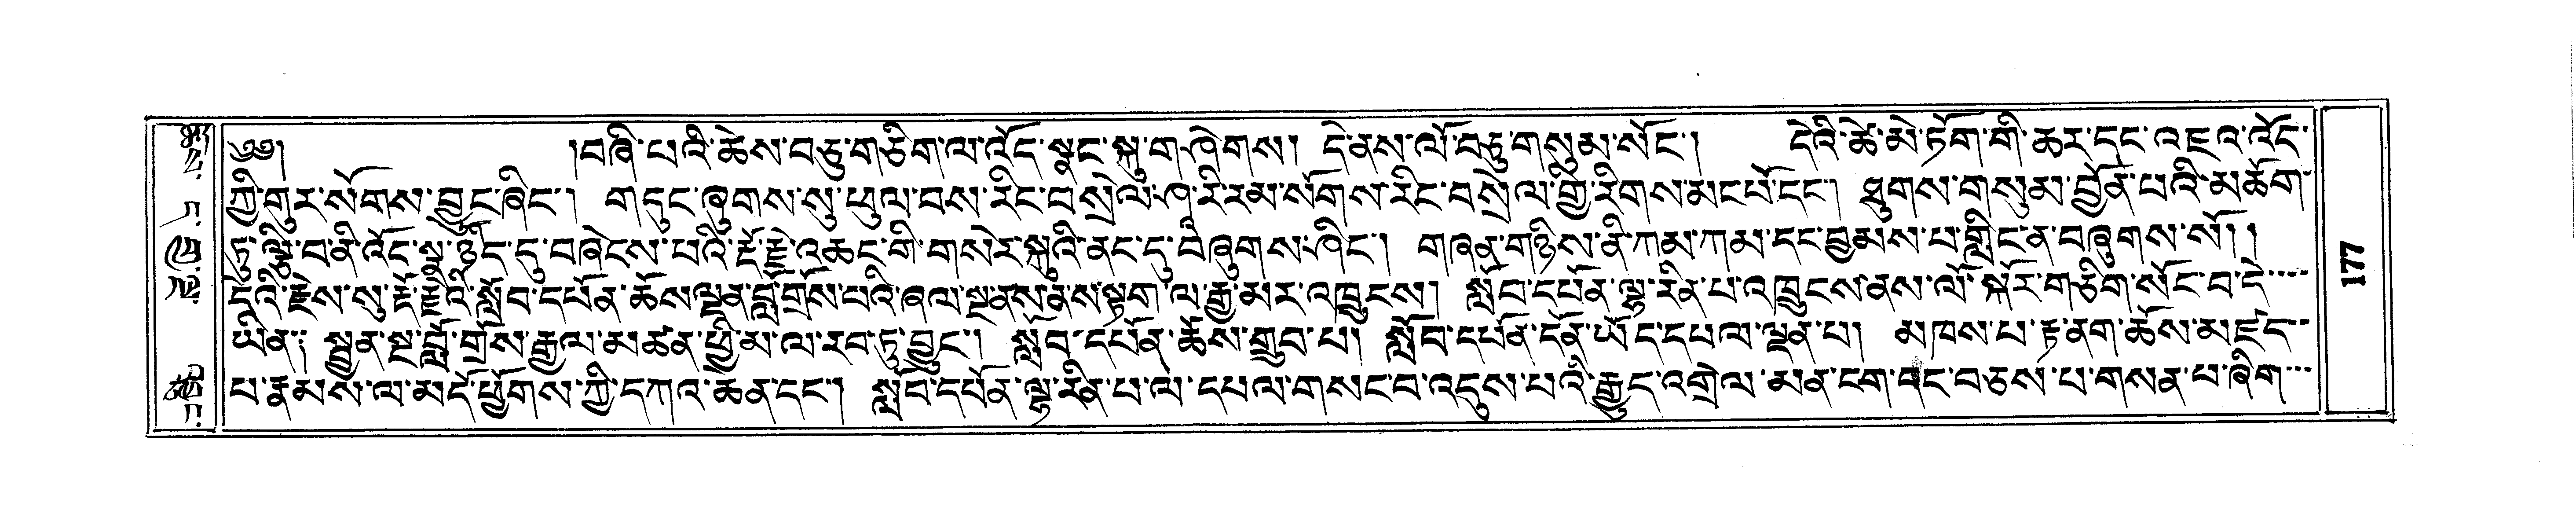༄༅། །བཞི་པའི་ཚེས་བཅུ་གཅིག་ལ་འོད་སྣང་སྐུ་གཤེགས། དེ་ནས་ལོ་བཅུ་གསུམ་སོང་། དེའི་ཚེ་མེ་ཏོག་གི་ཆར་དང་འཇའ་འོད་
ཀྱི་གུར་སོགས་བྱུང་ཞིང་། གདུང་ཞུགས་སུ་ཕུལ་བས་རིང་བསྲེལ་ཤཱ་རི་རམ་སོགས་རིང་བསྲེལ་གྱི་རིགས་མང་པོ་དང་། ཐུགས་གསུམ་བྱོན་པའི་མཆོག་
ཏུ་ལྕི་བ་ནི་འོང་སྣ་ཉིད་དུ་བཞེངས་པའི་རྡོ་རྗེ་འཆང་གི་གསེར་སྐུའི་ནང་དུ་བཞུགས་ཤིང་། གཞན་གཉིས་ནི་ཀམ་ཀམ་དང་བྱམས་པ་གླིང་ན་བཞུགས་སོ།།
དེའི་རྗེས་སུ་རྡོ་རྗེའི་སློབ་དཔོན་ཆོས་ལྡན་བློ་གྲོས་པའི་ཞལ་སྔ་ནས་ན་ས་སྟག་ལ་རྒྱ་མར་འཁྲུངས། སློབ་དཔོན་ལྷ་རིན་པ་འཁྲུངས་ནས་ལོ་སྐོར་གཅིག་སོང་བ་དེ་
ཡིན༑ སྦྱན་སྔ་བློ་གྲོས་རྒྱལ་མཚན་ཕྱི་མ་ལ་རབ་ཏུ་བྱུང་། སློབ་དཔོན་ཆོས་གྲུབ་པ། སློབ་དཔོན་དོན་ཡོད་དཔལ་ལྡན་པ། མཁས་པ་རྟ་ནག་ཆོས་མཛད་
པ་རྣམས་ལ་མདོ་ཕྱོགས་ཀྱི་དཀའ་ཆེན་དང་། སློབ་དཔོན་ལྷ་རིན་པ་ལ་དཔལ་གསང་བ་འདུས་པའི་རྒྱུད་འགྲེལ་མན་ངག་དང་བཅས་པ་གསན་པ་ཞིག་